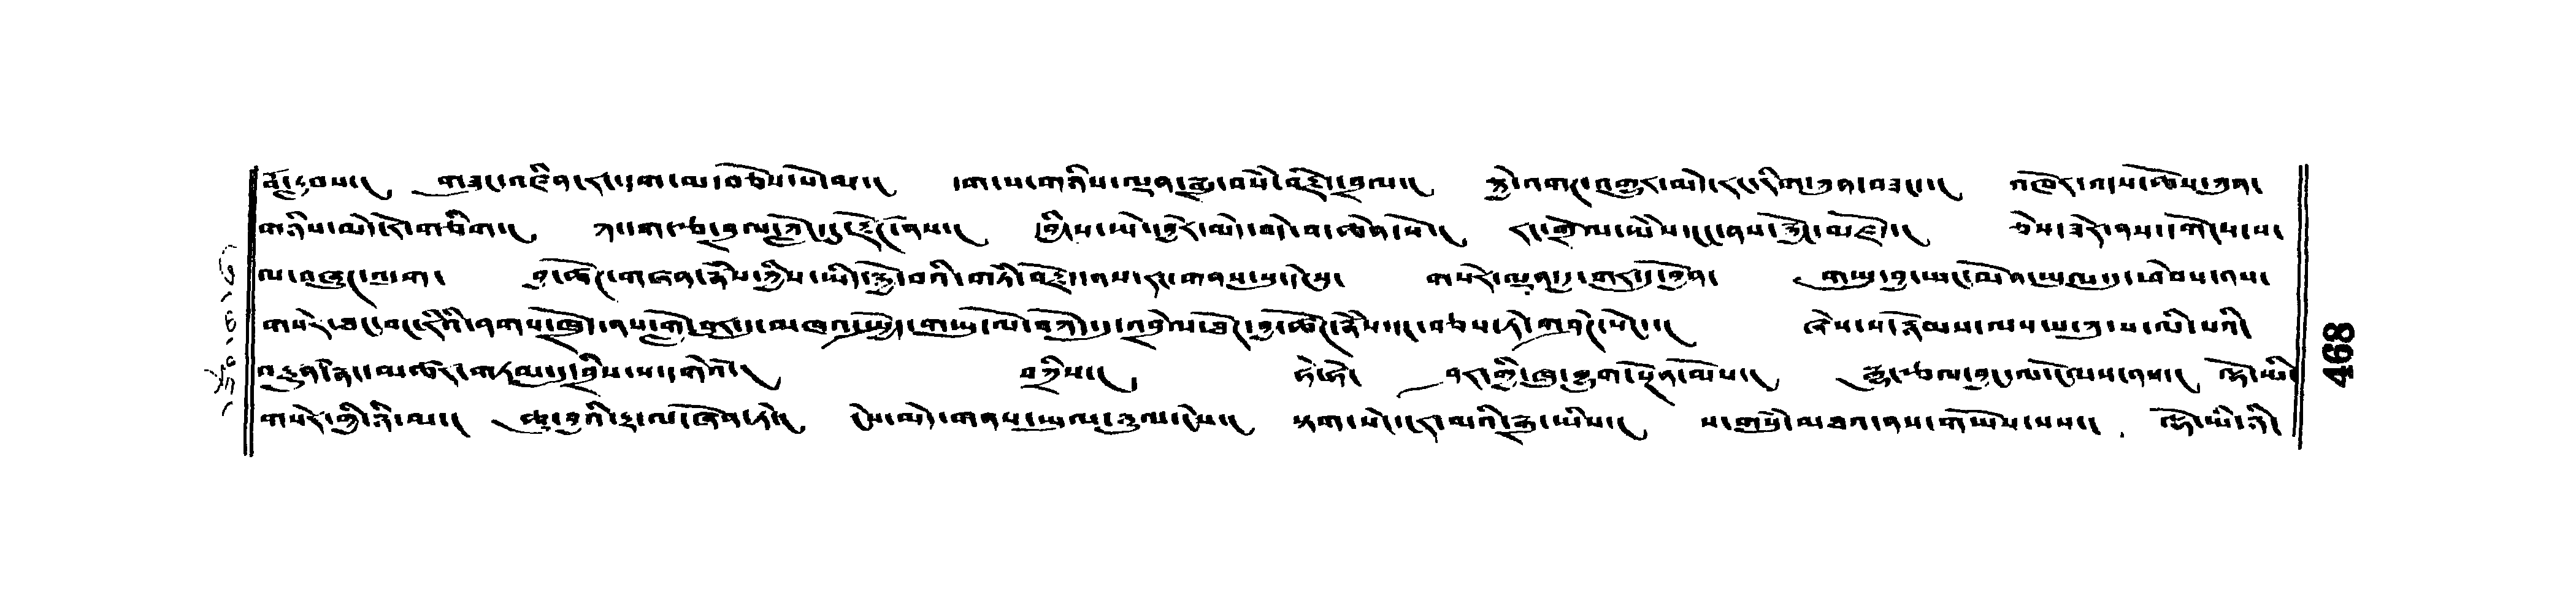རྦ་རླབས། གཟུང་འཛིན་རག་དང་མ་བཅོས་སོ་མ། །དག་པ་གཉིས་ལྡན་སྨྲ་བསམ་བརྗོད་བྲལ། །སྐྱེ་འགག་འགྱུར་མེད་རང་རིག་ཀུན་བཟང་། །འཁོར་འདས་ཆོས་ཀུན་
གཉིས་མེད་རོ་གཅིག །ཀ་དག་རྩ་བྲལ་ཀློང་དུ་རྫོགས་ནས། །དབྱིངས་ཡེ་དབྱེར་མེད་བདེ་བ་ཆེན་པོ། །རང་གྲོལ་ཡེ་ཤེས་ངང་ནས་སྐྱོང་མཛོད། ཅེས་ཟེར་ནས་དགོངས་པ་
ལ་བཞུགས་འདུག བྱ་ཚོགས་གཞན་རྣམས་ཀྱིས་ཡིད་སྐྱོ་བའི་གཏམ་བརྗོད་ནས་རང་གནས་སུ་དེངས། གསེར་ལྡན་རྒྱ་གར་དུ་བྱོན། གཡུ་བྱ་ཡང་མོན་ཡུལ་དུ་ཕེབས་ནས་
གསེར་ཐང་བང་རིའི་ནགས་ཁྲོད་ནས་གློ་བུར་དུ་མཁའ་སྤྱོད་གཡུ་ལོ་བཀོད་དུ་འབྲེལ་ཐོགས་བྱ་ཚོགས་རྣམས་དང་བཅས་ཏེ་གཤེགས་སོང་། ཞེས་པ་སྙོམས་ལས་པ་ཀུ་ས་ལི་པའི་
བརྫུན་སྣང་མཚར་གཏམ་དུ་བྲིས་པ་དགེའོ།། ཧེ་ཧེ། ཤར་གྱི་ཁུ་བྱུག་སྔོན་མོས། །སྒྱུ་རྩལ་བྱང་ལ་ངོམས་ནས། །ལྷོ་ཡི་
གསེར་གྱི་ཉི་མ། །ཆུ་བྱའི་རྟ་ལ་ཞོན་ཏེ། །ངེས་མེད་གནས་ཡུལ་ཉུལ་ངེས། །སྟག་སེང་ངར་མའི་སྒྲ་ཡིས། །ས་གསུམ་མཐའ་ནས་གཡོས་པས། །ལྷོ་ཡི་ཉི་